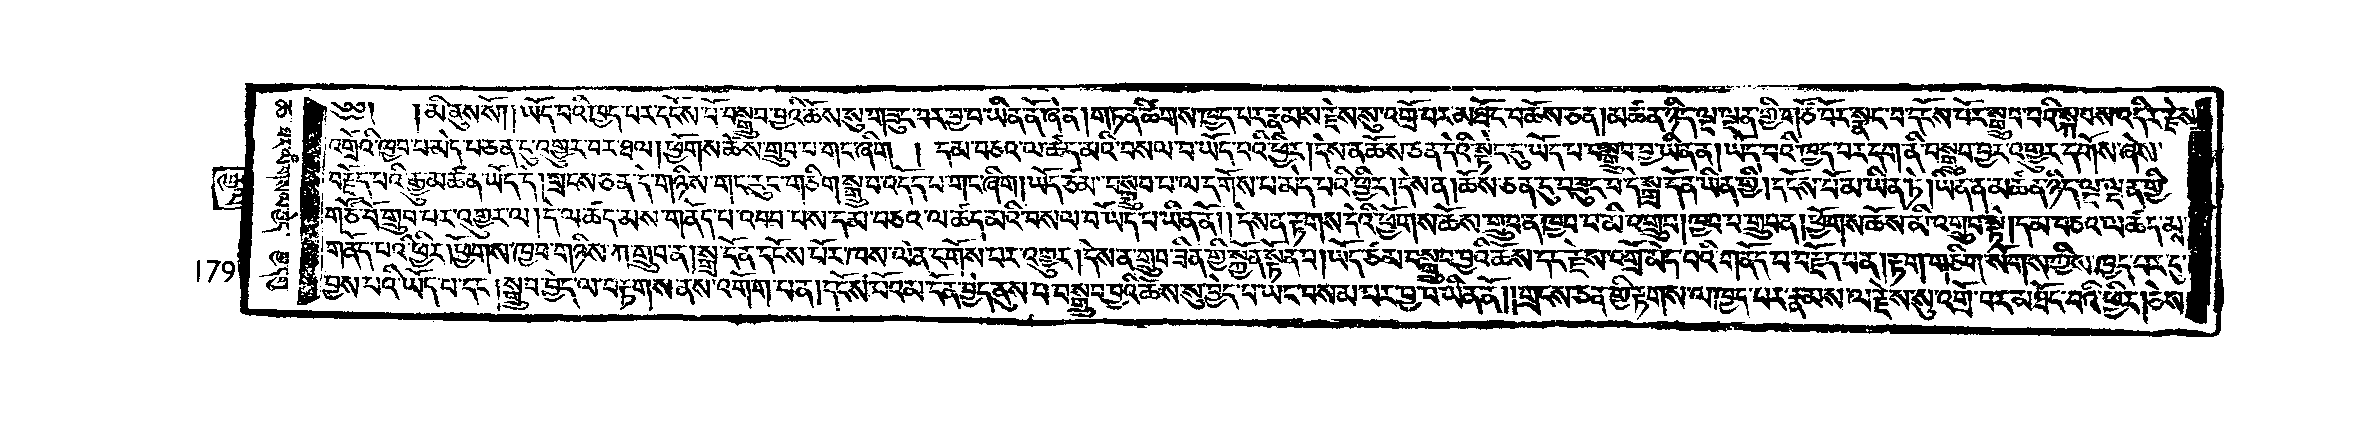༄༅། །མི་ནུས་སོ། །ཡོད་པའི་ཁྱད་པར་དངོས་པོ་བསྒྲུབ་བྱའི་ཆོས་སུ་གཟུང་བར་བྱ་བ་ཡིན་ནོ་ཞེ་ན། གཏན་ཚིགས་ཁྱད་པར་རྣམས་རྗེས་སུ་འགྲོ་བར་མཐོང་བ་ཆོས་ཅན། མཚན་ཉིད་ལྔ་ལྡན་གྱི་གཙོ་བོར་སྣང་བ་དངོས་པོར་སྒྲུབ་པའི་སྐབས་འདིར་རྗེས་
འགྲོའི་ཁྱབ་པ་མེད་པ་ཅན་དུ་འགྱུར་བར་ཐལ། ཕྱོགས་ཆོས་གྲུབ་པ་གང་ཞིག །དམ་བཅའ་ལ་ཚད་མའི་བསལ་བ་ཡོད་པའི་ཕྱིར། དེས་ན་ཆོས་ཅན་དེའི་སྟེང་དུ་ཡོད་པ་བསྒྲུབ་བྱ་ཡིན་ན། ཡོད་པའི་ཁྱད་པར་དག་ནི་བསྒྲུབ་བྱར་འགྱུར་དགོས་ཞེས་
བརྗོད་པའི་རྒྱུ་མཚན་ཡོད་དེ། གྲངས་ཅན་དེ་གཉིས་གང་རུང་གཅིག་སྒྲུབ་འདོད་པ་གང་ཞིག །ཡོད་ཙམ་བསྒྲུབ་པ་ལ་དགོས་པ་མེད་པའི་ཕྱིར། དེས་ན། ཆོས་ཅན་དུ་བཟུང་བ་དེ་སྒྲ་དོན་ཡིན་གྱི། དངོས་པོ་མ་ཡིན་ཏེ། ཡིན་ན་མཚན་ཉིད་ལྔ་ལྡན་གྱི་
གཙོ་བོ་གྲུབ་པར་འགྱུར་ལ། དེ་ལ་ཚད་མས་གནོད་པ་འབབ་པས་དམ་བཅའ་ལ་ཚད་མའི་བསལ་བ་ཡོད་པ་ཡིན་ནོ། །དེས་ན་རྟགས་དེའི་ཕྱོགས་ཆོས་གྲུབ་ན་ཁྱབ་པ་མི་འགྲུབ། ཁྱབ་པ་གྲུབ་ན། ཕྱོགས་ཆོས་མི་འགྲུབ་སྟེ། དམ་བཅའ་ལ་ཚད་མས་
གནོད་པའི་ཕྱིར། ཕྱོགས་ཁྱབ་གཉིས་ཀ་གྲུབ་ན། སྒྲ་དོན་དངོས་པོར་ཁས་ལེན་དགོས་པར་འགྱུར། དེས་ན་གྲུབ་ཟིན་གྱི་སྐྱོན་སྟོན་པ། ཡོད་ཙམ་བསྒྲུབ་བྱའི་ཆོས་དང་རྗེས་འགྲོ་མེད་པའི་གནོད་པ་བརྗོད་པ་ན། རྟགས་གཅིག་སོགས་ཀྱིས་ཁྱད་པར་དུ་
བྱས་པའི་ཡོད་པ་དང་། སྒྲུབ་བྱེད་ལ་བརྟགས་ནས་འགོག་པ་ན། དངོས་པོའམ་དོན་བྱེད་ནུས་པ་བསྒྲུབ་བྱའི་ཆོས་སུ་བྱེད་པ་ཡང་བསམ་པར་བྱ་བ་ཡིན་ནོ། །གྲངས་ཅན་གྱི་རྟགས་ལ་ཁྱད་པར་རྣམས་ལ་རྗེས་སུ་འགྲོ་བར་མཐོང་བའི་ཕྱིར། ཅེས་